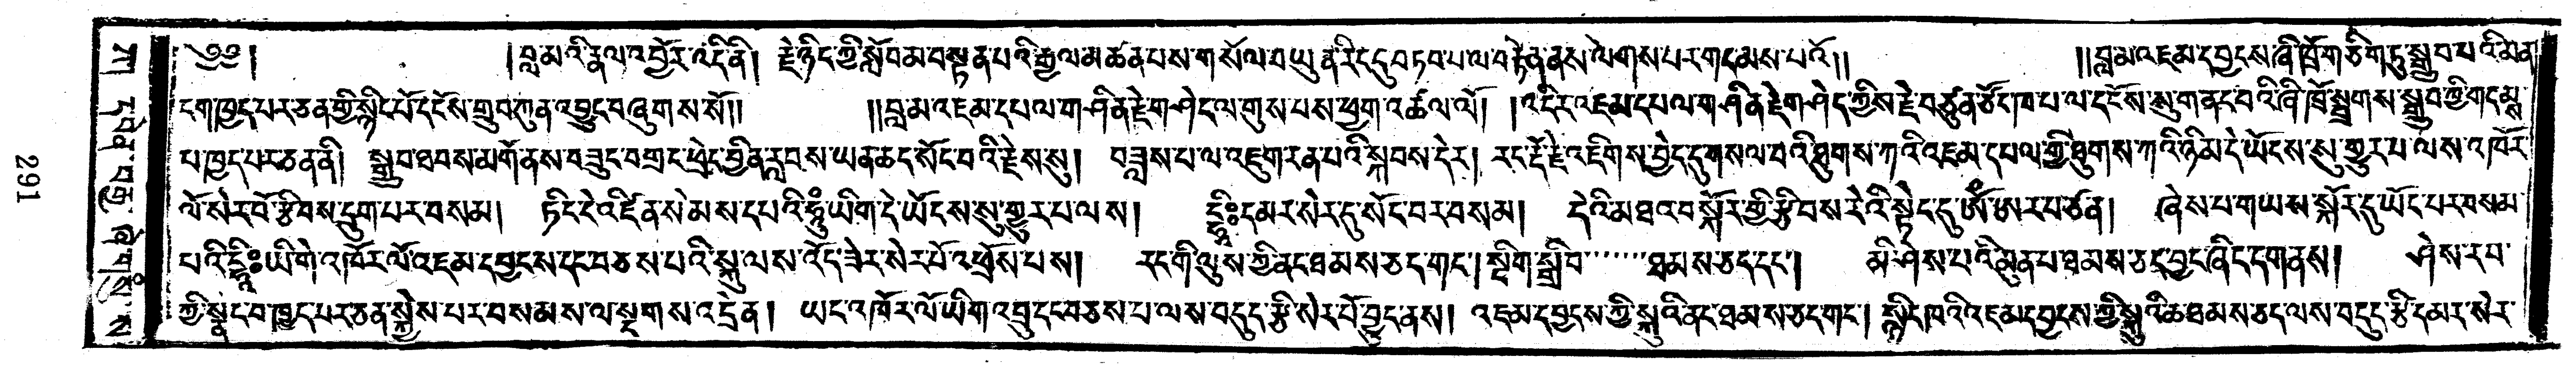༄༅། །བླ་མའི་རྣལ་འབྱོར་འདི་ནི། རྗེ་ཉིད་ཀྱི་སློབ་མ་བསྟན་པའི་རྒྱལ་མཚན་པས་གསོལ་བ་ཡུན་རིང་དུ་བཏབ་པ་ལ་བརྟེན་ནས་ལེགས་པར་གདམས་པའོ།། །།བླ་མ་འཇམ་དབྱངས་ཞི་ཁྲོ་གཅིག་ཏུ་སྒྲུབ་པའི་མན་
ངག་ཁྱད་པར་ཅན་གྱི་སྙིང་པོ་དངོས་གྲུབ་ཀུན་འབྱུང་བཞུགས་སོ།། །།བླ་མ་འཇམ་དཔལ་གཤིན་རྗེ་གཤེད་ལ་གུས་པས་ཕྱག་འཚལ་ལོ། །འདིར་འཇམ་དཔལ་གཤིན་རྗེ་གཤེད་ཀྱིས་རྗེ་བཙུན་ཙོང་ཁ་པ་ལ་དངོས་སུ་གནང་བའི་ཞི་ཁྲོ་སྦྲགས་སྒྲུབ་ཀྱི་གདམས་
པ་ཁྱད་པར་ཅན་ནི། སྒྲུབ་ཐབས་མགོ་ནས་བཟུང་བགྲང་ཕྲེང་བྱིན་རླབས་ཡན་ཆད་སོང་བའི་རྗེས་སུ། བཟླས་པ་ལ་འཇུག་རན་པའི་སྐབས་དེར། རང་རྡོ་རྗེ་འཇིགས་བྱེད་དུ་གསལ་བའི་ཐུགས་ཀའི་འཇམ་དཔལ་གྱི་ཐུགས་ཀའི་ཉི་མ་དེ་ཡོངས་སུ་གྱུར་པ་ལས་འཁོར་
ལོ་སེར་བོ་རྩིབས་དྲུག་པར་བསམ། ཏིང་ངེ་འཛིན་སེམས་དཔའི་ཧཱུཾ་ཡིག་དེ་ཡོངས་སུ་གྱུར་པ་ལས། དྷཱིཿ དམར་སེར་དུ་སོང་བར་བསམ། དེའི་མཐའ་བསྐོར་གྱི་རྩིབས་རེའི་སྟེང་དུ་ཨོཾ་ཨ་ར་པ་ཙ་ན། ཞེས་པ་གཡས་སྐོར་དུ་ཡོང་པར་བསམ་
པའི་དྷཱིཿ ཡི་གེ་འཁོར་ལོ་འཇམ་དབྱངས་དང་བཅས་པའི་སྐུ་ལས་འོད་ཟེར་སེར་པོ་འཕྲོས་པས། རང་གི་ལུས་ཀྱི་ནང་ཐམས་ཅད་གང་། སྡིག་སྒྲིབ་ཐམས་ཅད་དང་། མི་ཤེས་པའི་མུན་པ་ཐམས་ཅད་བྱང་ཞིང་དག་ནས། ཤེས་རབ་
ཀྱི་སྣང་བ་ཁྱད་པར་ཅན་སྐྱེས་པར་བསམས་ལ་སྔགས་འདྲེན། ཡང་འཁོར་ལོ་ཡིག་འབྲུ་དང་བཅས་པ་ལས་བདུད་རྩི་སེར་པོ་བྱུང་ནས། འཇམ་དབྱངས་ཀྱི་སྐུའི་ནང་ཐམས་ཅད་གང་། སྙིང་ཁའི་འཇམ་དབྱངས་ཀྱི་སྐུའི་ཆ་ཐམས་ཅད་ལས་བདུད་རྩི་དམར་སེར་